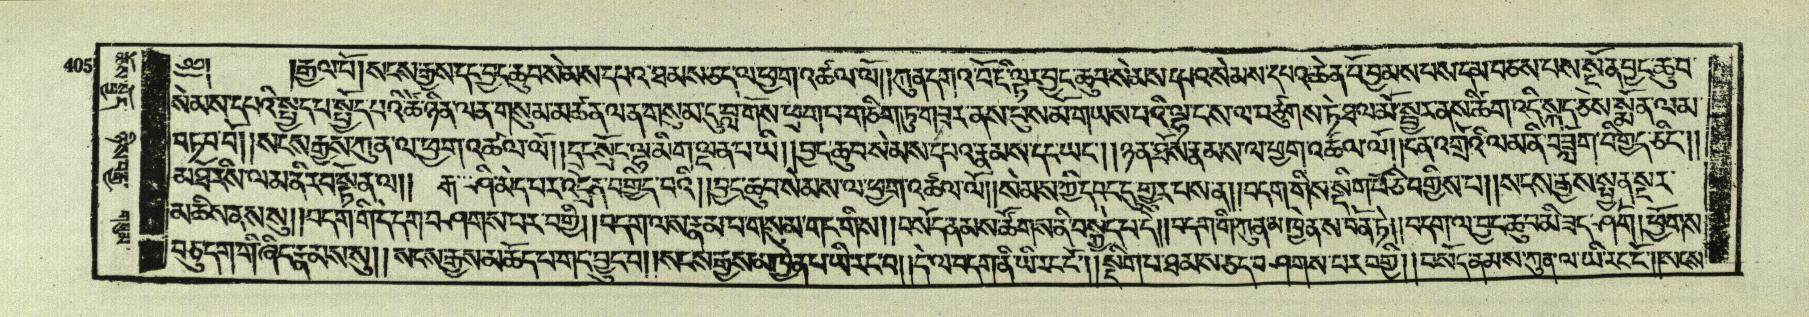༄༅། །རྒྱལ་པོ། སངས་རྒྱས་དང་བྱང་ཆུབ་སེམས་དཔའ་ཐམས་ཅད་ལ་ཕྱག་འཚལ་ལོ། །ཀུན་དགའ་བོ་ཇི་ལྟར་བྱང་ཆུབ་སེམས་དཔའ་སེམས་དཔའ་ཆེན་པོ་བྱམས་པས་དམ་བཅས་པས་སྔོན་བྱང་ཆུབ་
སེམས་དཔའི་སྤྱད་པ་སྤྱོད་པའི་ཚེ་ཉིན་ལན་གསུམ་མཚན་ལན་གསུམ་དུ་བླ་གོས་ཕྲག་པ་གཅིག་ཏུ་གཟར་ནས་པུས་མོ་གཡས་པའི་ལྷ་ང་ས་ལ་བཙུགས་ཏེ་ཐལ་མོ་སྦྱར་ནས་ཚིག་འདི་སྐད་ཅེས་སྨོན་ལམ་
བཏབ་བོ། །སངས་རྒྱས་ཀུན་ལ་ཕྱག་འཚལ་ལོ། །དྲང་སྲོང་ལྷ་མིག་ལྡན་པ་ཡི། །བྱང་ཆུབ་སེམས་དཔའ་རྣམས་དང་ཡང་། ཉན་ཐོས་རྣམས་ལ་ཕྱག་འཚལ་ལོ། །ངན་འགྲོའི་ལམ་ནི་བཟློག་བ་བགྱིད་ཅིང།།
མཐོ་རིས་ལམ་ནི་རབ་སྟོན་ལ། །རྒ་ཤི་མེད་པར་འདྲེན་བགྱིད་པའི། །བྱང་ཆུབ་སེམས་ལ་ཕྱག་འཚལ་ལོ། །སེམས་ཀྱི་དབང་དུ་གྱུར་པས་ན། །བདག་གིས་སྡིག་པོ་ཅི་བགྱིས་པ། །སངས་རྒྱས་སྤྱན་སྔར་
མཆིས་ནས་སུ། །བདག་གི་དེ་དག་བཤགས་པར་བགྱི། །བདག་ལས་རྣམ་པ་གསུམ་གང་གིས། །བསོད་ནམས་ཚོགས་ནི་བསྐྱེད་པ་དེ། །བདག་གི་ཀུན་མཁྱེན་ས་བོན་ཏེ། །བདག་ལ་བྱང་ཆུབ་མི་ཟད་ཤོག །ཕྱོགས་
བཅུ་དག་གི་ཞིང་རྣམས་སུ། །སངས་རྒྱས་མཆོད་པ་གང་བྱུང་བ། །སངས་རྒྱས་མཁྱེན་པ་ཡི་རང་བ། །དེ་ལ་བདག་ནི་ཡི་རང་ངོ། །སྡིག་པ་ཐམས་ཅད་བཤགས་པར་བགྱི། །བསོད་ནམས་ཀུན་ལ་ཡི་རང་ངོ། །སངས་